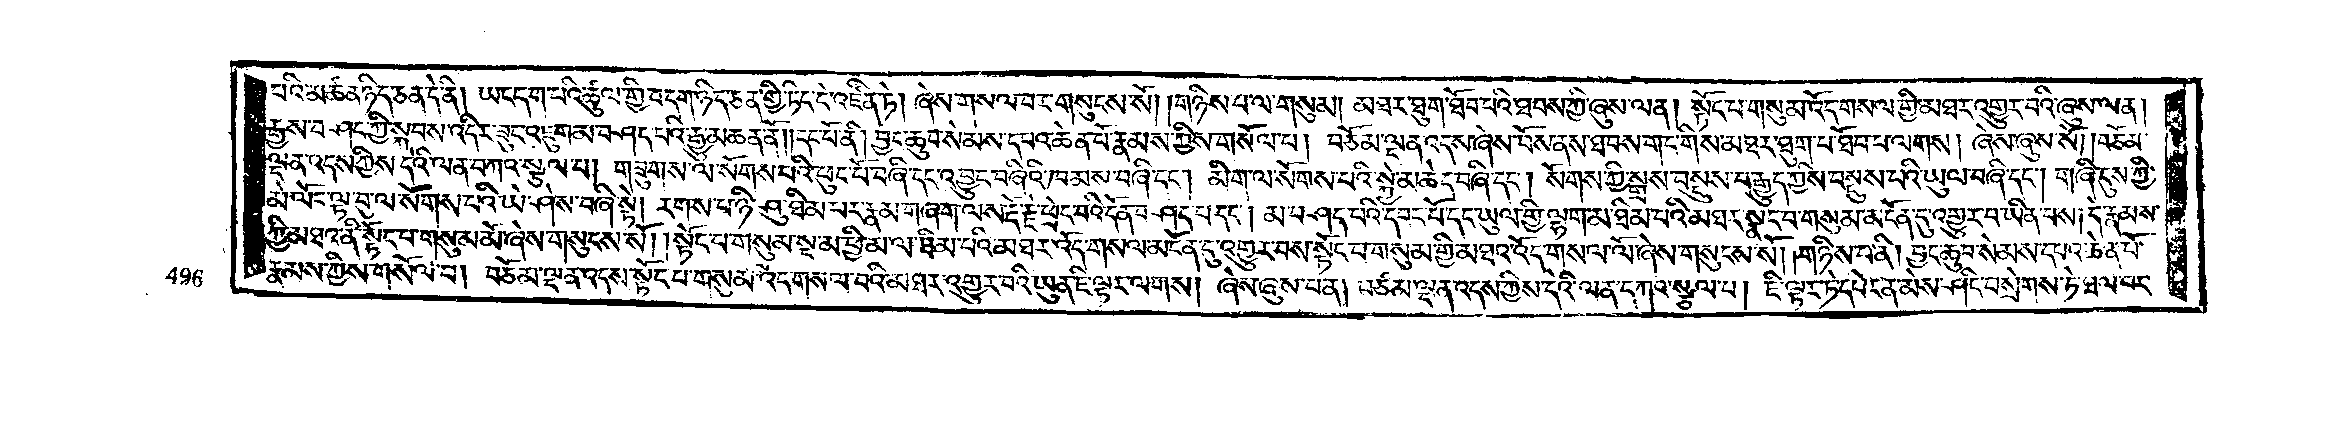པའི་མཚན་ཉིད་ཅན་དེ་ནི། ཡང་དག་པའི་ཚུལ་གྱི་བདག་ཉིད་ཅན་གྱི་ཏིང་ངེ་འཛིན་ཏེ། ཞེས་གསལ་བར་གསུངས་སོ། །གཉིས་པ་ལ་གསུམ། མཐར་ཐུག་ཐོབ་པའི་ཐབས་ཀྱི་ཞུས་ལན། སྟོང་པ་གསུམ་འོད་གསལ་གྱི་མཐར་འགྱུར་བའི་ཞུས་ལན།
རྒྱས་བཤད་ཀྱི་སྐབས་འདིར་ཟུང་འཇུག་མ་བཤད་པའི་རྒྱུ་མཚན་ནོ། །དང་པོ་ནི། བྱང་ཆུབ་སེམས་དཔའ་ཆེན་པོ་རྣམས་ཀྱིས་གསོལ་པ། བཅོམ་ལྡན་འདས་ཞེས་བོས་ནས་ཐབས་གང་གིས་མཐར་ཐུག་པ་ཐོབ་པ་ལགས། ཞེས་ཞུས་སོ། །བཅོམ་
ལྡན་འདས་ཀྱིས་དེའི་ལན་བཀའ་སྩལ་པ། གཟུགས་ལ་སོགས་པའི་ཕུང་པོ་བཞི་དང་འབྱུང་བཞིའི་ཁམས་བཞི་དང་། མིག་ལ་སོགས་པའི་སྐྱེ་མཆེད་བཞི་དང་། སོགས་ཀྱི་སྒྲས་བསྡུས་པ་རྒྱུད་ཀྱིས་བསྡུས་པའི་ཡུལ་བཞི་དང་། གཞི་དུས་ཀྱི་
མེ་ལོང་ལྟ་བུ་ལ་སོགས་པའི་ཡེ་ཤེས་བཞི་སྟེ། རགས་པ་ཉི་ཤུ་ཐིམ་པར་རྣམ་གཞག་ལས་རྡོ་རྗེ་ཕྲེང་བའི་དོན་བཤད་པ་དང་། མ་བཤད་པའི་དབང་པོ་དང་ཡུལ་གྱི་ལྷག་མ་ཐིམ་པའི་མཐར་སྣང་བ་གསུམ་མངོན་དུ་འགྱུར་བ་ཡིན་པས། དེ་རྣམས་
ཀྱི་མཐའ་ནི་སྟོང་པ་གསུམ་མོ་ཞེས་གསུངས་སོ། །སྟོང་པ་གསུམ་སྔ་མ་ཕྱི་མ་ལ་ཐིམ་པའི་མཐར་འོད་གསལ་མངོན་དུ་འགྱུར་བས་སྟོང་པ་གསུམ་གྱི་མཐའ་འོད་གསལ་ལོ་ཞེས་གསུངས་སོ། །གཉིས་པ་ནི། བྱང་ཆུབ་སེམས་དཔའ་ཆེན་པོ་
རྣམས་ཀྱིས་གསོལ་པ། བཅོམ་ལྡན་འདས་སྟོང་པ་གསུམ་འོད་གསལ་བའི་མཐར་འགྱུར་བའི་ཡུན་ཇི་ལྟར་ལགས། ཞེས་ཞུས་པ་ན། བཅོམ་ལྡན་འདས་ཀྱིས་དེའི་ལན་དཀའ་སྩལ་པ། ཇི་ལྟར་ཏེ་དཔེར་ན་མེས་ཤིང་བསྲེགས་ཏེ་ཐལ་བར་